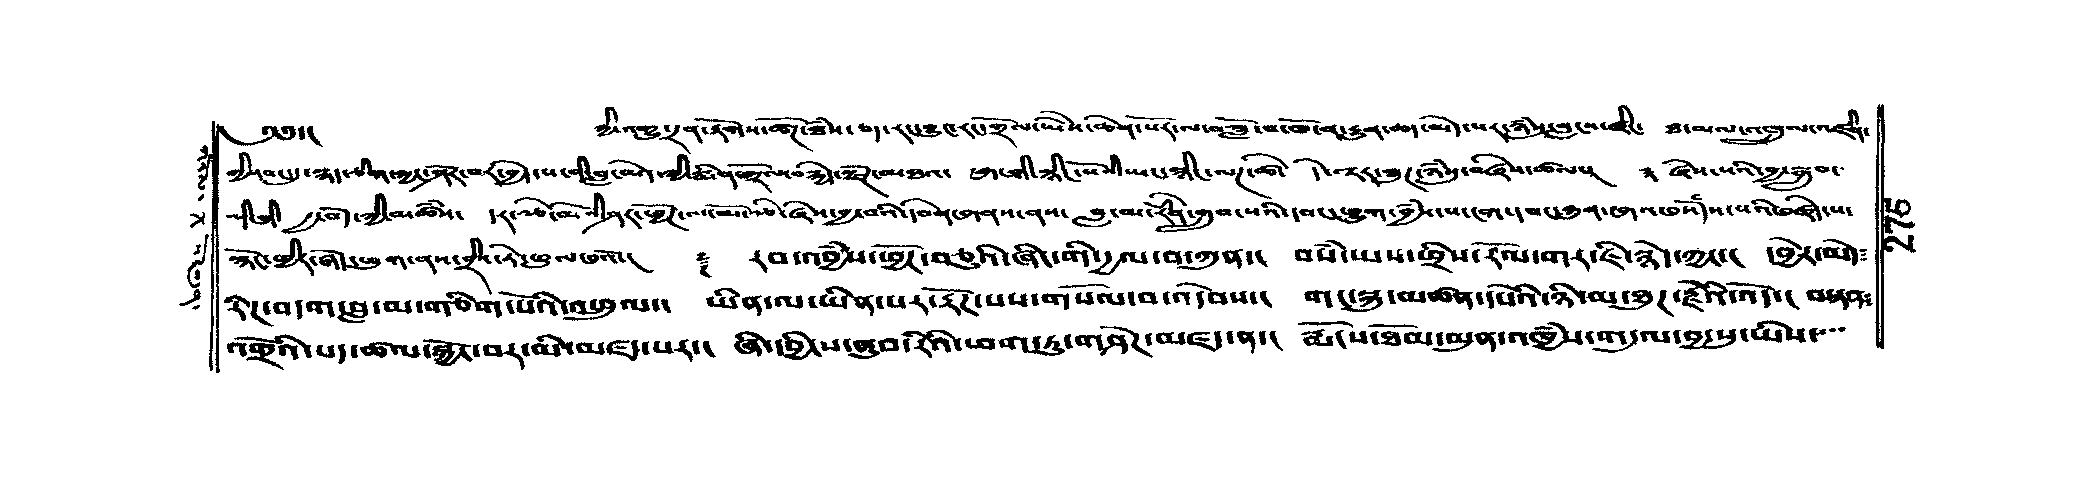ཀྱི་འགྱུ་དྲན་རྟོག་ཚོགས་ཐམས་ཅད་རང་བྱུང་རང་གྲོལ་ཡེ་ཤེས་ཆེན་པོར་ལ་བཟློ་བ་ཁོ་ན་རྒྱུན་ཆད་མེད་པར་ཉམས་སུ་བླངས་ཞིང་། ཐ་མལ་འཁྲུལ་འཛིན་
གྱི་དབང་དུ་སྐད་ཅིག་ཀྱང་མ་ཤོར་བར་བྱེད་པ་ནི་བླ་མེད་ཀྱི་སྨིན་གྲོལ་བསྐྱེད་རྫོགས་མཐའ་དག་གི་སྙིང་པོའི་ཡང་སྙིང་ལགས་ཚེ། དེ་ལྟར་ཐུགས་ཉམས་སུ་བཞེས་ཚལ། ཞེས་པའི་བླ་སྒྲུབ་
འདི་ནི། རྒྱ་བོད་ཀྱི་མཚམས། དར་རྩེ་མདོའི་ཤར་ཕྱོགས་ལ་མོ་རྩེ་ཞེས་བྱ་བའི་དབེན་གནས་ནས། བླ་མ་རིན་ཆེན་གྲུབ་པའི་དབང་ཕྱུག་བྱམས་པ་ངག་དབང་ཀུན་དགའ་བསོད་ནམས་པའི་བཞེས་པ་
སྐོང་ཕྱིར་རྒོད་ཕུག་ནས་བྲིས་ཏེ་ཕུལ་བའོ།། ༈ རབ་འབྱམས་ཕྱོགས་བཅུའི་ཞིང་གི་རྒྱལ་བ་ཀུན། །བསམ་ཡས་ཕྲིན་ལས་རོལ་གར་ཇི་སྙེད་ཀྱང་། །དབྱེར་མེད་
རིགས་བདག་བླ་མ་གཅིག་པོའི་འཕྲུལ། །ཡིན་ལ་ཡིན་པར་རྟོགས་པ་གསོལ་བ་འདེབས། །གང་སྐུ་མཚན་དཔེའི་ཉི་མ་ཐུགས་རྗེའི་འོད། །བསྟན་
འགྲོའི་པད་ཚལ་སྐྱོང་བར་མི་མཛད་པར། །ཞི་དབྱིངས་ནུབ་རིའི་ཕག་ཏུ་གཤེགས་མཛད་ན། །རྨོངས་ཐོམ་མུན་འཁྱམས་གདུལ་བྱ་སུ་ཡིས།